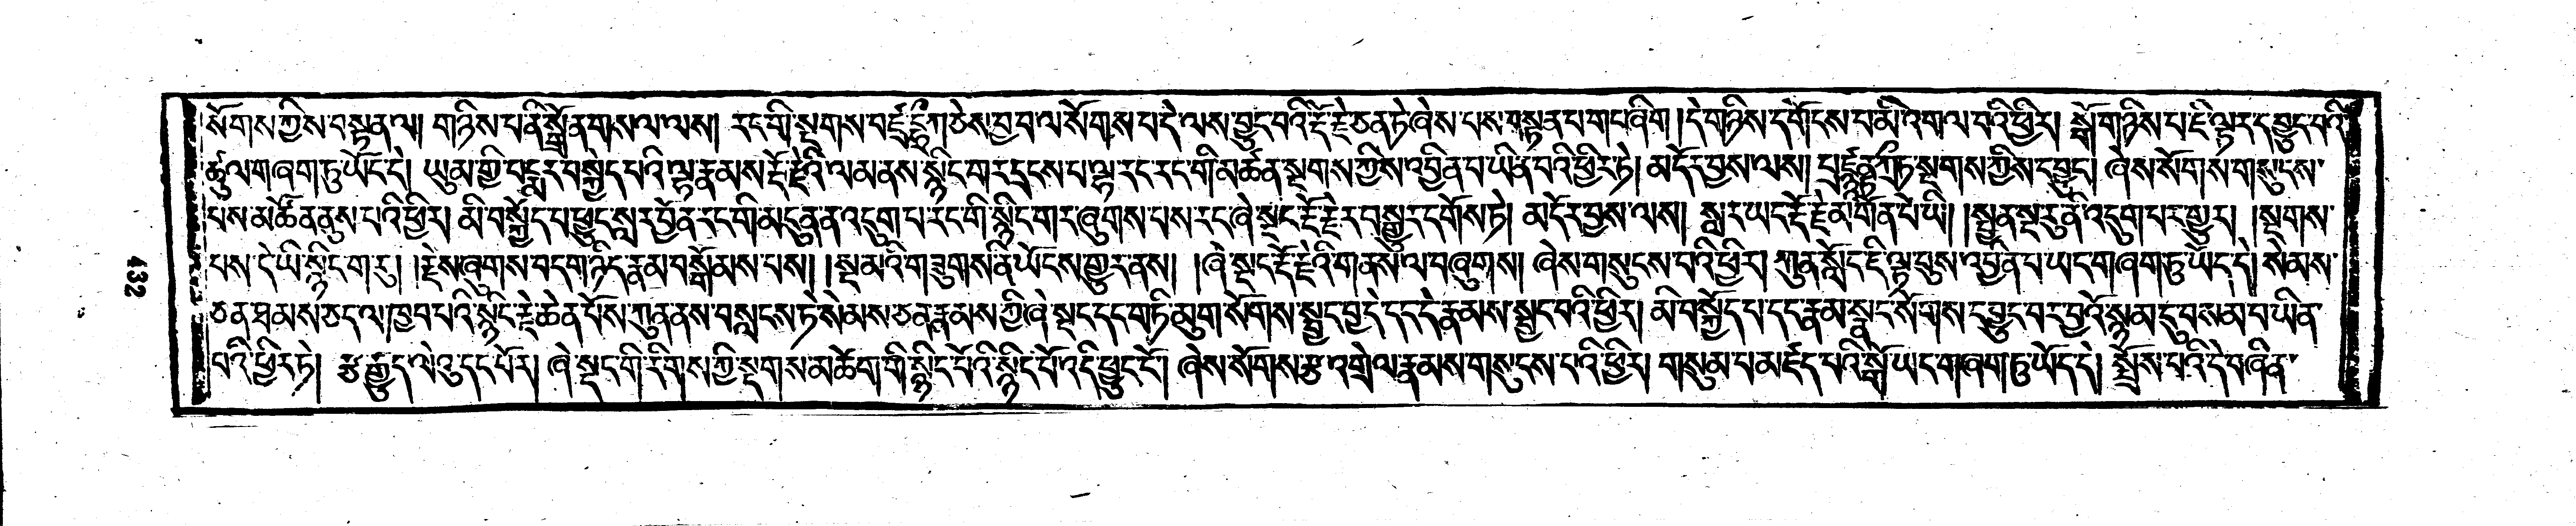སོགས་ཀྱིས་བསྟན་ལ། གཉིས་པ་ནི་སྒྲོན་གསལ་ལས། རང་གི་སྔགས་བཛྲ་དྷཱྀཀ་ཅེས་བྱ་བ་ལ་སོགས་པ་དེ་ལས་བྱུང་བའི་རྡོ་རྗེ་ཅན་ཏེ་ཞེས་དང་བསྟན་པ་གང་ཞིག །དེ་གཉིས་དགོངས་པ་མི་འགལ་བའི་ཕྱིར། སྒོ་གཉིས་པ་ཇི་ལྟར་དབྱུང་བའི་
ཚུལ་གཞག་ཏུ་ཡོད་དེ། ཡུམ་གྱི་པདམར་བསྐྱེད་པའི་ལྷ་རྣམས་རྡོ་རྗེའི་ལམ་ནས་སྙིང་གར་དྲངས་པ་ལྷ་རང་རང་གི་མཚན་སྔགས་ཀྱིས་འབྱིན་པ་ཡིན་པའི་ཕྱིར་ཏེ། མདོར་བྱས་ལས། པྲཛྙཱནྟ་ཀྲྀཏ་སྔགས་ཀྱིས་དབྱུང་། ཞེས་སོགས་གསུངས་
པས་མཚོན་ནུས་པའི་ཕྱིར། མི་བསྐྱོད་པ་ཕྱུང་སླར་བྱོན་རང་གི་མདུན་ན་འདུག་པ་རང་གི་སྙིང་གར་ཞུགས་པས་རང་ཞེ་སྡང་རྡོ་རྗེར་བསྒྱུར་དགོས་ཏེ། མདོར་བྱས་ལས། སླར་ཡང་རྡོ་རྗེ་མགོན་པོ་ཡི། །སྤྱན་སྔ་རུ་ནི་འདུག་པར་གྱུར། །སྔགས་
པས་དེ་ཡི་སྙིང་ག་རུ། །རྗེས་ཀུགས་བདག་ཉིད་རྣམ་བསྒོམས་པས། །སྔ་མའི་གཟུགས་ནི་ཡོངས་གྱུར་ནས། །ཞེ་སྡང་རྡོ་རྗེའི་གནས་ལ་བཞུགས། ཞེས་གསུངས་པའི་ཕྱིར། ཀུན་སློང་ཇི་ལྟ་བུས་འབྱིན་པ་ཡང་གཞག་ཏུ་ཡོད་དེ། སེམས་
ཅན་ཐམས་ཅད་ལ་ཁྱབ་པའི་སྙིང་རྗེ་ཆེན་པོས་ཀུན་ནས་བསླངས་ཏེ་སེམས་ཅན་རྣམས་ཀྱི་ཞེ་སྡང་དང་གཏི་མུག་སོགས་སྦྱང་བྱ་དེ་དང་དེ་རྣམས་སྦྱང་བའི་ཕྱིར། མི་བསྐྱོད་པ་དང་རྣམ་སྣང་སོགས་དབྱུང་བར་བྱའོ་སྙམ་དུ་བསམ་པ་ཡིན་
པའི་ཕྱིར་ཏེ། རྩ་རྒྱུད་ལེའུ་དང་པོར། ཞེ་སྡང་གི་རིགས་ཀྱི་སྔགས་མཆོག་གི་སྙིང་པོའི་སྙིང་པོ་འདི་བྱུང་ངོ། ཞེས་སོགས་རྩ་འགྲེལ་རྣམས་གསུངས་པའི་ཕྱིར། གསུམ་པ་མཛད་པའི་སྒོ་ཡང་གཞག་ཏུ་ཡོད་དེ། སྤྲོས་པའི་དེ་བཞིན་